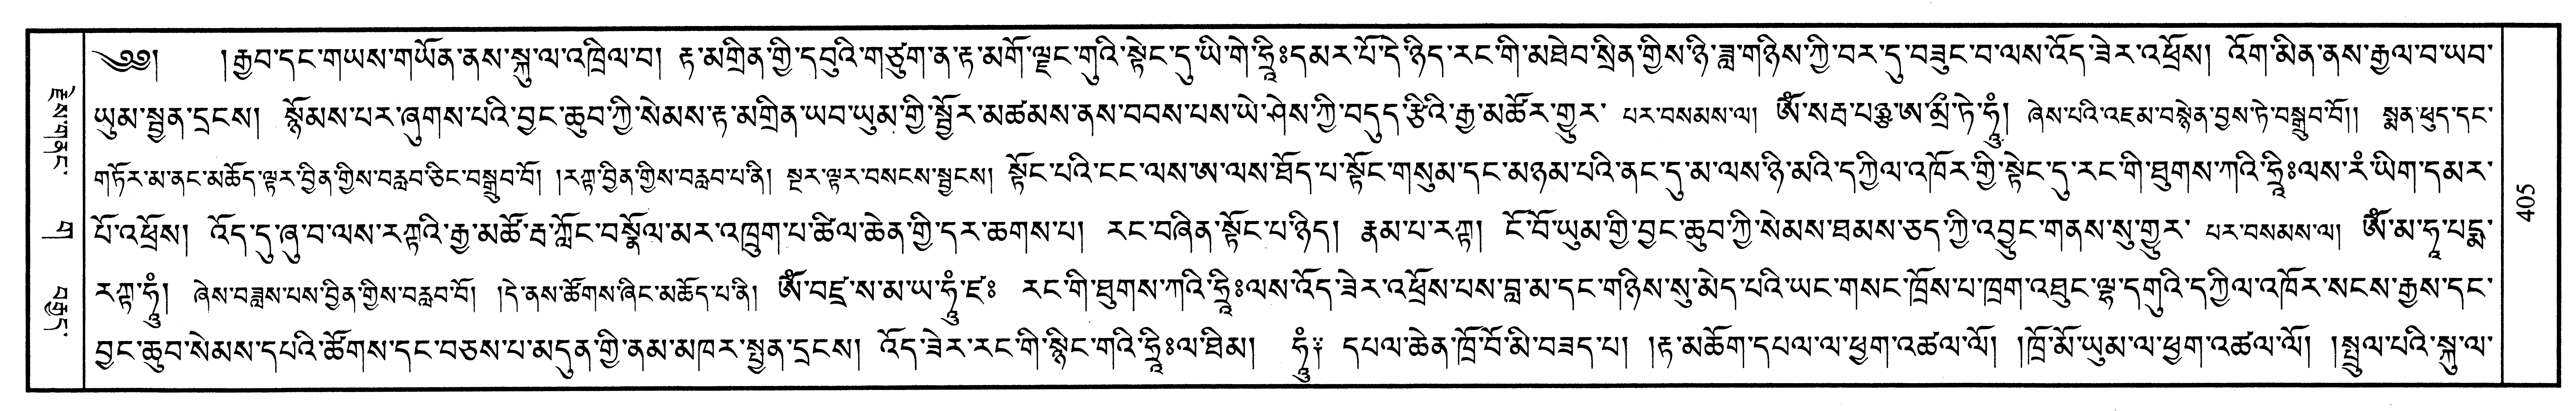༄༅། །རྒྱབ་དང་གཡས་གཡོན་ནས་སྐུ་ལ་འཁྲིལ་བ། རྟ་མགྲིན་གྱི་དབུའི་གཙུག་ན་རྟ་མགོ་ལྗང་གུའི་སྟེང་དུ་ཡི་གེ་ཧྲཱིཿ དམར་པོ་དེ་ཉིད་རང་གི་མཐེབ་སྲིན་གྱིས་ཉི་ཟླ་གཉིས་ཀྱི་བར་དུ་བཟུང་བ་ལས་འོད་ཟེར་འཕྲོས། འོག་མིན་ནས་རྒྱལ་བ་ཡབ་
ཡུམ་སྦྱན་དྲངས། སྙོམས་པར་ཞུགས་པའི་བྱང་ཆུབ་ཀྱི་སེམས་རྟ་མགྲིན་ཡབ་ཡུམ་གྱི་སྦྱོར་མཚམས་ནས་བབས་པས་ཡེ་ཤེས་ཀྱི་བདུད་རྩིའི་རྒྱ་མཚོར་གྱུར་པར་བསམས་ལ། ཨོཾ་སརྦ་པཉྩ་ཨ་མྲྀ་ཏེ་ཧཱུཾ། ཞེས་པའི་འཇམ་བསྙེན་བྱས་ཏེ་བསྒྲུབ་བོ།། སྨན་ཕུད་དང་
གཏོར་མ་ནང་མཆོད་ལྟར་བྱིན་གྱིས་བརླབ་ཅིང་བསྒྲུབ་བོ། །རཀྟ་བྱིན་གྱིས་བརླབ་པ་ནི། སྔར་ལྟར་བསངས་སྦྱངས། སྟོང་པའི་ངང་ལས་ཨ་ལས་ཐོད་པ་སྟོང་གསུམ་དང་མཉམ་པའི་ནང་དུ་མ་ལས་ཉི་མའི་དཀྱིལ་འཁོར་གྱི་སྟེང་དུ་རང་གི་ཐུགས་ཀའི་ཧྲཱིཿ ལས་རཾ་ཡིག་དམར་
པོ་འཕྲོས། འོད་དུ་ཞུ་བ་ལས་རཀྟའི་རྒྱ་མཚོ་རྦ་ཀློང་བསྣོལ་མར་འཁྲུག་པ་ཚིལ་ཆེན་གྱི་དར་ཆགས་པ། རང་བཞིན་སྟོང་པ་ཉིད། རྣམ་པ་རཀྟ། ངོ་བོ་ཡུམ་གྱི་བྱང་ཆུབ་ཀྱི་སེམས་ཐམས་ཅད་ཀྱི་འབྱུང་གནས་སུ་གྱུར་པར་བསམས་ལ། ཨོཾ་མ་ཧཱ་པདམ་
རཀྟ་ཧཱུཾ། ཞེས་བཟླས་པས་བྱིན་གྱིས་བརླབ་བོ། །དེ་ནས་ཚོགས་ཞིང་མཆོད་པ་ནི། ཨོཾ་བཛྲ་ས་མ་ཡ་ཧཱུཾ་ཛཿ རང་གི་ཐུགས་ཀའི་ཧྲཱིཾཿ ལས་འོད་ཟེར་འཕྲོས་པས་བླ་མ་དང་གཉིས་སུ་མེད་པའི་ཡང་གསང་ཁྲོས་པ་ཁྲག་འཐུང་ལྷ་དགུའི་དཀྱིལ་འཁོར་སངས་རྒྱས་དང་
བྱང་ཆུབ་སེམས་དཔའི་ཚོགས་དང་བཅས་པ་མདུན་གྱི་ནམ་མཁར་སྤྱན་དྲངས། འོད་ཟེར་རང་གི་སྙིང་གའི་ཧྲཱིཿ ལ་ཐིམ། ཧཱུཾ༑ དཔལ་ཆེན་ཁྲོ་བོ་མི་བཟད་པ། །རྟ་མཆོག་དཔལ་ལ་ཕྱག་འཚལ་ལོ། །ཁྲོ་མོ་ཡུམ་ལ་ཕྱག་འཚལ་ལོ། །སྤྲུལ་པའི་སྐུ་ལ་